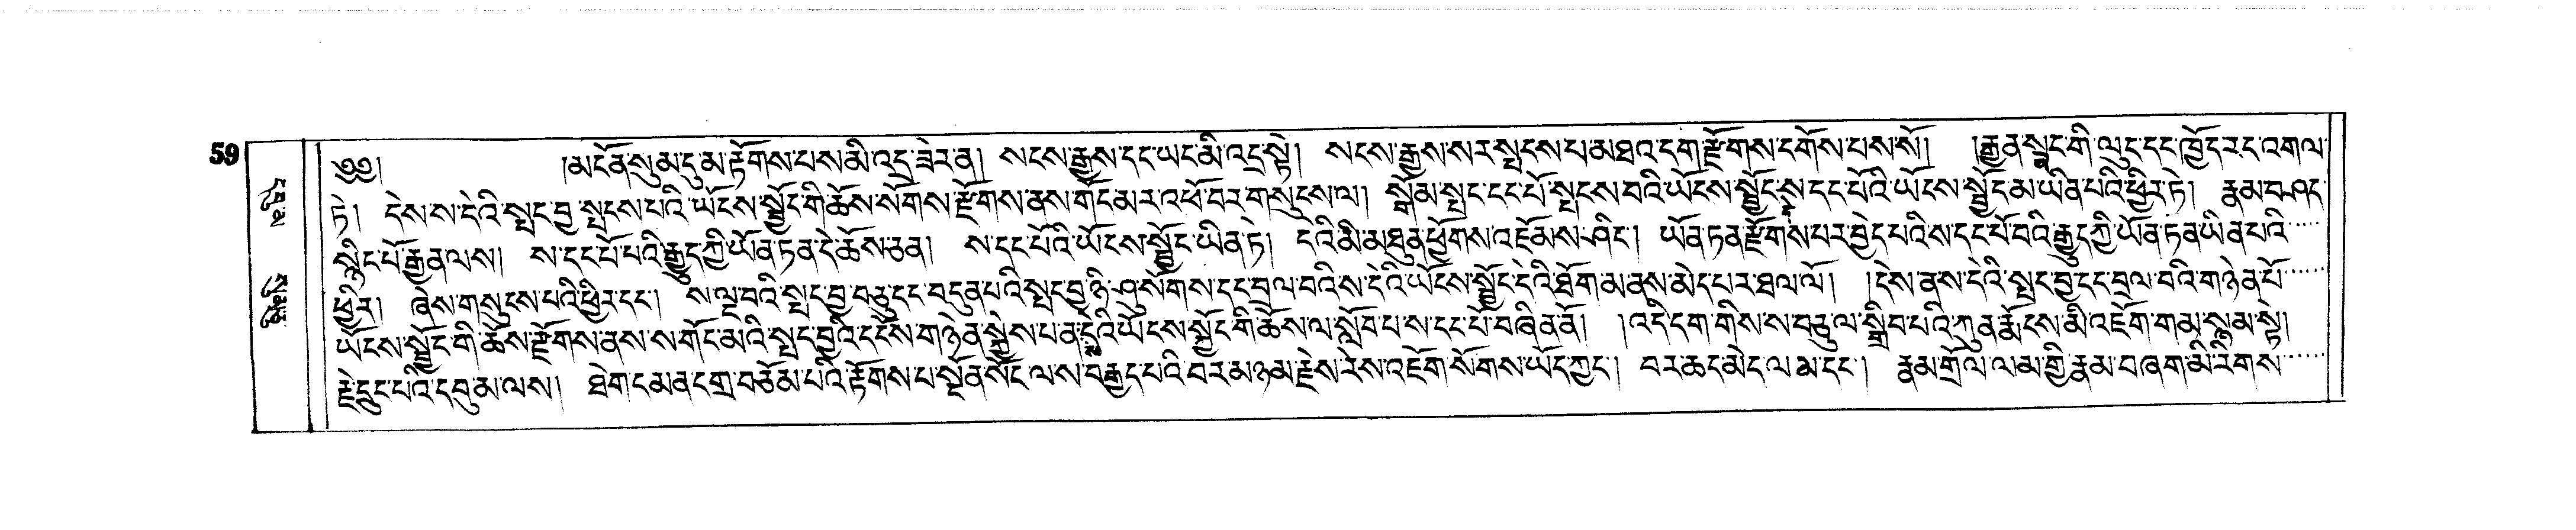༄༅། །མངོན་སུམ་དུ་མ་རྟོགས་པས་མི་འདྲ་ཟེར་ན། སངས་རྒྱས་དང་ཡང་མི་འདྲ་སྟེ། སངས་རྒྱས་སར་སྤངས་པ་མཐའ་དག་རྫོགས་དགོས་པས་སོ། །རྒྱན་སྣང་གི་ལུང་དང་ཁྱོད་རང་འགལ་
ཏེ། དེས་ས་དེའི་སྤང་བྱ་སྤངས་པའི་ཡོངས་སྦྱོང་གི་ཆོས་སོགས་རྫོགས་ནས་གོང་མར་འཕོ་བར་གསུངས་ལ། སྒོམ་སྤང་དང་པོ་སྤངས་བའི་ཡོངས་སྦྱོང་དེ་ས་དང་པོའི་ཡོངས་སྦྱོད་མ་ཡིན་པའི་ཕྱིར་ཏེ། རྣམ་བཤད་
སྙིང་པོ་རྒྱན་ལས། ས་དང་པོ་པའི་རྒྱུད་ཀྱི་ཡོན་ཏན་དེ་ཆོས་ཅན། ས་དང་པོའི་ཡོངས་སྦྱོང་ཡིན་ཏེ། དེའི་མི་མཐུན་ཕྱོགས་འཇོམས་ཤིང་། ཡོན་ཏན་རྫོགས་པར་བྱེད་པའི་ས་དང་པོ་བའི་རྒྱུད་ཀྱི་ཡོན་ཏན་ཡིན་པའི་
ཕྱིར། ཞེས་གསུངས་པའི་ཕྱིར་དང་། ས་ལྔ་བའི་སྤང་བྱ་བཅུ་དང་བདུན་པའི་སྤང་བྱ་ཉི་ཤུ་སོགས་དང་བྲལ་བའི་ས་དེའི་ཡོངས་སྦྱོང་དེའི་ཐོག་མ་ནས་མེད་པར་ཐལ་ལོ། །དེས་ན་ས་དེའི་སྤང་བྱ་དང་བྲལ་བའི་གཉེན་པོ་
ཡོངས་སྦྱོང་གི་ཆོས་རྫོགས་ནས་ས་གོང་མའི་སྤང་བྱའི་དངོས་གཉེན་སྐྱེས་པ་ནས་དེའི་ཡོངས་སྐྱོང་གི་ཆོས་ལ་སློབ་པ་ས་དང་པོ་བཞིན་ནོ། །འདི་དག་གིས་ས་བཅུ་ལ་སྒྲིབ་པའི་ཀུན་རྨོངས་མི་འཇོག་གམ་སྙམ་སྟེ།
རྗེ་དྲུང་པའི་དབུ་མ་ལས། ཐེག་དམན་དགྲ་བཅོམ་པའི་རྟོགས་པ་སྔོན་སོང་ལ་ས་བརྒྱད་པའི་བར་མཉམ་རྗེས་རེས་འཇོག་སོགས་ཡོད་ཀྱང་། བར་ཆད་མེད་ལམ་དང་། རྣམ་གྲོལ་ལམ་གྱི་རྣམ་བཞག་མི་རིགས་